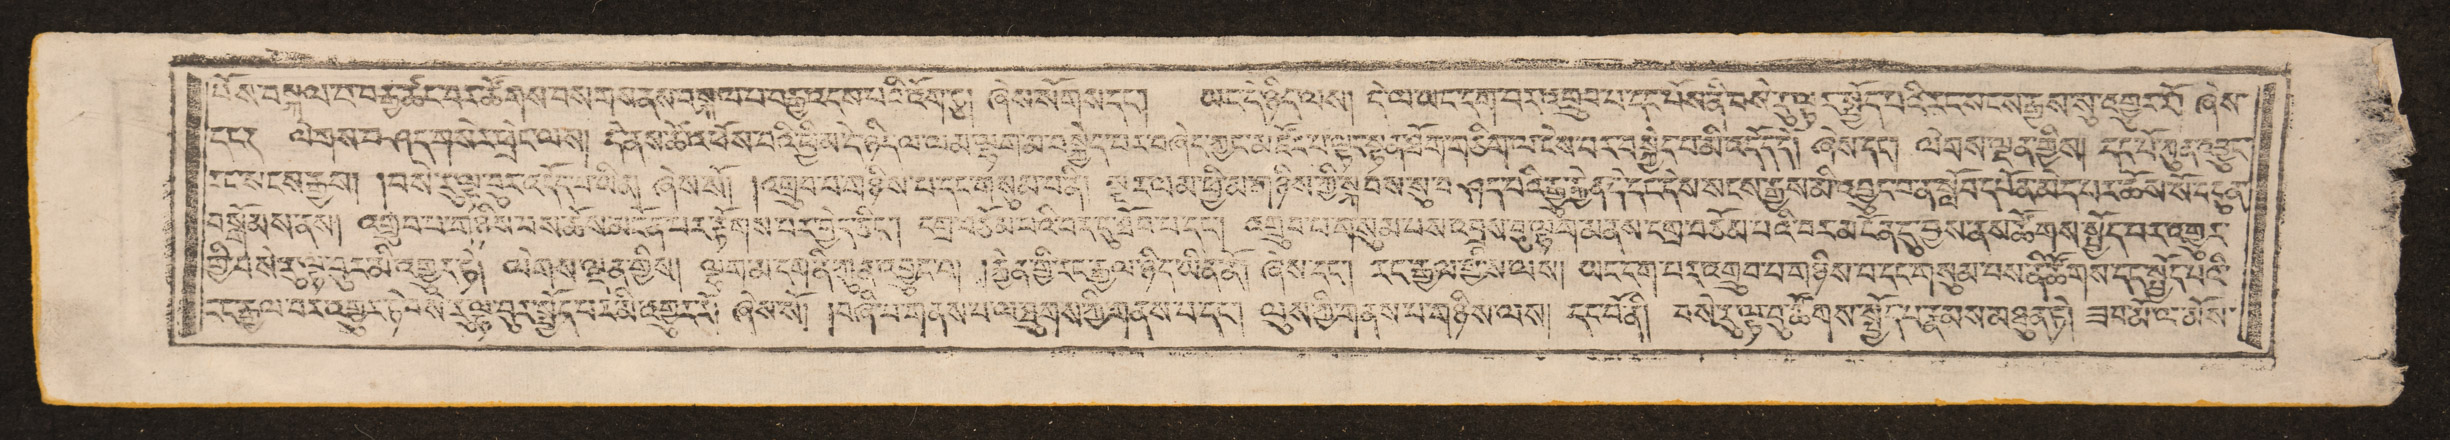པོས་བསྐལ་བ་བརྒྱ་ཚང་བར་ཚོགས་བསགས་ནས་བསྐལ་བ་བརྒྱ་འདས་པའི་འོག་ཏུ། ཞེས་སོགས་དང་། ཡང་དེ་ཉིད་ལས། དེ་ལ་ཡང་དག་པར་འགྲུབ་པ་དང་?་པོས་ནི་བསེ་རུ་ལྟར་སྤྱོད་པའི་རང་སངས་རྒྱས་སུ་འགྱུར་རོ། ཞེས་
དང༑ ལེགས་བཤད་གསེར་ཕྲེང་ལས། དེ་ནས་ཚེ་འཕོས་པའི་ཕྱི་མ་དེ་ཉིད་ལ་ལམ་ལྷག་མ་བསྐྱེད་པར་བཞེད་ཀྱང་མཛོད་པ་ལྟར་སྟན་ཐོག་གཅིག་ལ་ངེས་པར་བསྐྱེད་པ་མི་འདོད་དོ། ཞེས་དང་། ལེགས་ལྡན་གྱིས། དང་པོ་ཀུན་འབྱུང་
རང་སངས་རྒྱས། །བསེ་རུ་ལྟ་བུར་འདོད་པ་ཡིན། ཞེས་སོ། །འགྲུབ་པ་གཉིས་པ་དང་གསུམ་པ་ནི། སྔར་ལམ་ཕྱི་མ་གཉིས་ཀྱི་སྐབས་སུ་བཤད་པའི་རྒྱུ་རྐྱེན་དེ་དང་དེས་སངས་རྒྱས་མི་འབྱུང་བ་ན་སློབ་དཔོན་མེད་པར་ཆོས་སོ་བདུན་
བསྒོམས་ནས། འགྲུབ་པ་གཉིས་པས་ཆོས་མངོན་པར་རྟོགས་པར་བྱེད་ཅིང་། དགྲ་བཅོམ་པའི་བར་དུ་ཐོབ་པ་དང་། འགྲུབ་པ་གསུམ་པས་འབྲས་བུ་ལྷག་མ་ནས་དགྲ་བཅོམ་པའི་བར་མངོན་དུ་བྱས་ནས་ཚོགས་སྤྱོད་པར་འགྱུར་
གྱི་བསེ་རུ་ལྟ་བུར་མི་འགྱུར་ཏེ། ལེགས་ལྡན་གྱིས། ལྷག་མ་དག་ནི་ཀུན་འབྱུང་བ། །རྐྱེན་གྱི་རང་རྒྱལ་ཉིད་ཡིན་ནོ། ཞེས་དང་། རང་རྒྱལ་གྱི་ས་ལས། ཡང་དག་པར་འགྲུབ་པ་གཉིས་པ་དང་གསུམ་པས་ནི་ཚོགས་དང་སྦྱོར་པའི་
རང་རྒྱལ་བར་འགྱུར་ཏེ་བསེ་རུ་ལྟ་བུར་སྤྱོད་པར་མི་འགྱུར་རོ། ཞེས་སོ། །བཞི་པ་གནས་པ་ལ་ཐུགས་ཀྱི་གནས་པ་དང་། ལུས་ཀྱི་གནས་པ་གཉིས་ལས། དང་པོ་ནི། བསེ་རུ་ལྟ་བུ་ཚོགས་སྤྱོད་པ་རྣམས་མཐུན་ཏེ། ཟབ་མོ་ལ་མོས་